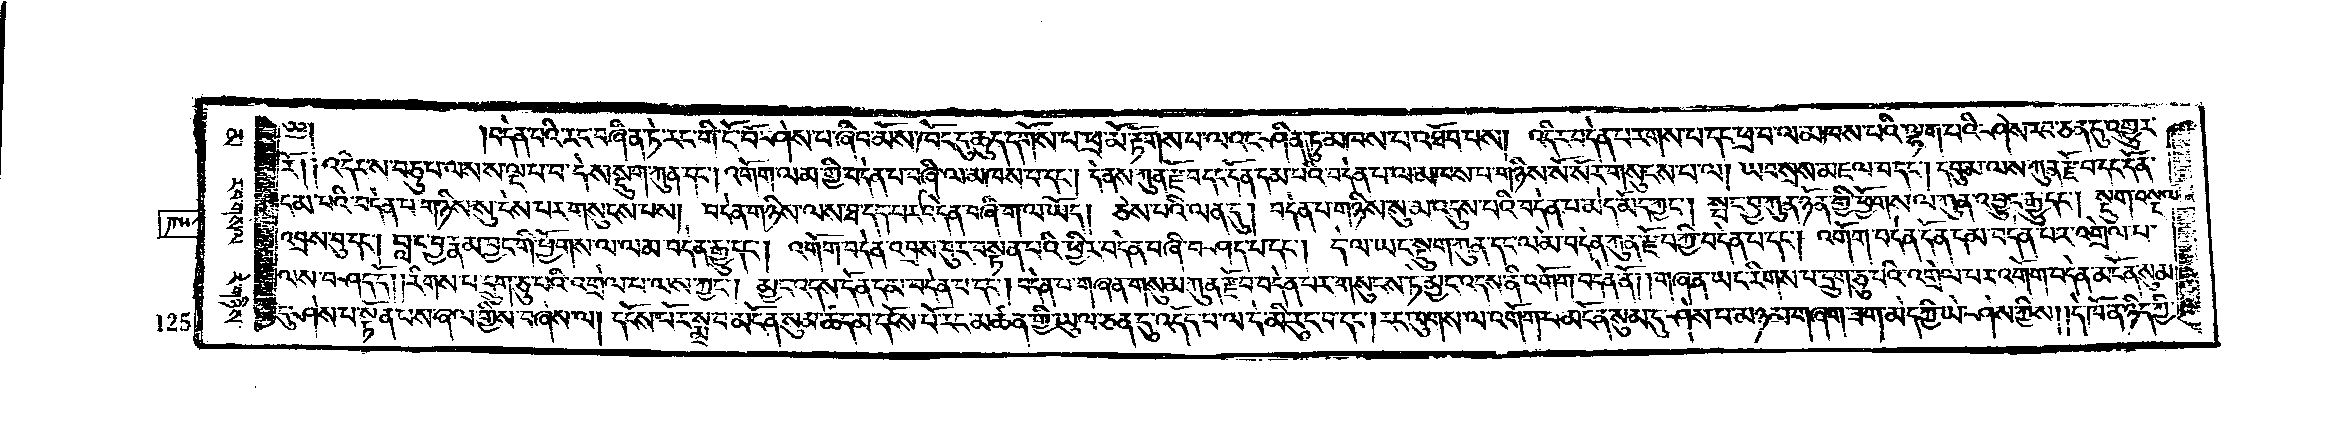༄༅། །བདེན་པའི་རང་བཞིན་ཏེ་རང་གི་ངོ་བོ་ཤེས་པ་ཞིབ་མོས་ཁོང་དུ་ཆུད་དགོས་པ་ཕྲ་མོ་རྟོགས་པ་ལའང་ཤིན་ཏུ་མཁས་པ་འཐོབ་པས། འདིར་བདེན་པ་རགས་པ་དང་ཕྲ་བ་ལ་མཁས་པའི་ལྷག་པའི་ཤེས་རབ་ཅན་དུ་འགྱུར་
རོ། །འདིར་ས་བཅུ་པ་ལས་ས་ལྔ་པ་བ་དེས་སྡུག་ཀུན་དང་། འགོག་ལམ་གྱི་བདེན་པ་བཞི་ལ་མཁས་པ་དང་། དེ་ནས་ཀུན་རྫོབ་དང་དོན་དམ་པའི་བདེན་པ་ལ་མཁས་པ་གཉིས་སོ་སོར་གསུངས་པ་ལ། ཡབ་སྲས་མཇལ་བ་དང་། དབུ་མ་ལས་ཀུན་རྫོབ་དང་དོན་
དམ་པའི་བདེན་པ་གཉིས་སུ་ངེས་པར་གསུངས་པས། བདེན་གཉིས་ལས་ཐ་དད་པར་བདེན་བཞི་ག་ལ་ཡོད། ཅེས་པའི་ལན་དུ། བདེན་པ་གཉིས་སུ་མ་འདུས་པའི་བདེན་པ་མེད་མོད་ཀྱང་། སྤང་བྱ་ཀུན་ཉོན་གྱི་ཕྱོགས་ལ་ཀུན་འབྱུང་རྒྱུ་དང་། སྡུག་བསྔལ་
འབྲས་བུ་དང་། བླང་བྱ་རྣམ་བྱང་གི་ཕྱོགས་ལ་ལམ་བདེན་རྒྱུ་དང་། འགོག་བདེན་འབྲས་བུར་བསྟན་པའི་ཕྱིར་བདེན་བཞི་བཤད་པ་དང་། དེ་ལ་ཡང་སྡུག་ཀུན་དང་ལམ་བདེན་ཀུན་རྫོབ་ཀྱི་བདེན་པ་དང་། འགོག་བདེན་དོན་དམ་བདེན་པར་འགྲེལ་པ་
ལས་བཤད་དོ། །རིགས་པ་དྲུག་ཏུ་པའི་འགྲེལ་པ་ལས་ཀྱང་། མྱང་འདས་དོན་དམ་བདེན་པ་དང་། བདེན་པ་གཞན་གསུམ་ཀུན་རྫོབ་བདེན་པར་གསུངས་ཏེ་མྱང་འདས་ནི་འགོག་བདེན་ནོ། །གཞན་ཡང་རིགས་པ་དྲུག་ཅུ་པའི་འགྲེལ་པར་འགོག་བདེན་མངོན་སུམ་
དུ་ཤེས་པ་སྟོན་པས་ཞལ་གྱིས་བཞེས་ལ། དངོས་པོར་སྨྲ་བ་མངོན་སུམ་ཚད་མ་དངོས་པོ་རང་མཚན་གྱི་ཡུལ་ཅན་དུ་འདོད་པ་ལ་དེ་མི་རུང་བ་དང་། རང་ལུགས་ལ་འགོག་པ་མངོན་སུམ་དུ་ཤེས་པ་མཉམ་གཞག་ཟག་མེད་ཀྱི་ཡེ་ཤེས་ཀྱིས། །དེ་ཁོ་ན་ཉིད་ཀྱི་